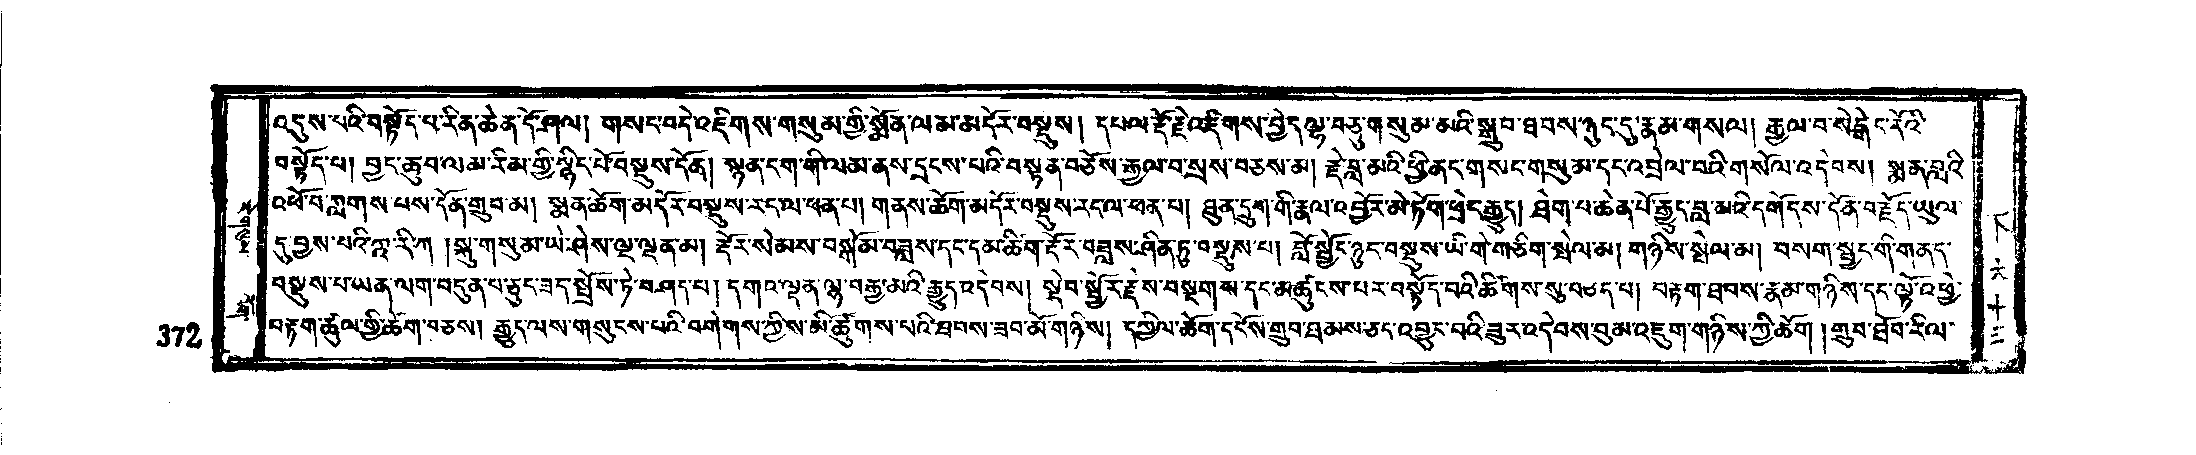འདུས་པའི་བསྟོད་པ་རིན་ཆེན་དོ་ཤལ། གསང་བདེ་འཇིགས་གསུམ་གྱི་སྨོན་ལམ་མདོར་བསྡུས། དཔལ་རྡོ་རྗེ་འཇིགས་བྱེད་ལྷ་བཅུ་གསུམ་མའི་སྒྲུབ་ཐབས་ཉུང་དུ་རྣམ་གསལ། རྒྱལ་བ་སེངྒེ་ང་རོའི་
བསྟོད་པ། བྱང་ཆུབ་ལམ་རིམ་གྱི་སྙིང་པོ་བསྡུས་དོན། སྙན་ངག་གི་ལམ་ནས་དྲངས་པའི་བསྟན་བཅོས་རྒྱལ་བ་སྲས་བཅས་མ། རྗེ་བླ་མའི་ཕྱི་ནང་གསང་གསུམ་དང་འབྲེལ་བའི་གསོལ་འདེབས། སྨན་བླའི་
འཕོ་བ་ཀླགས་པས་དོན་གྲུབ་མ། སྨན་ཆོག་མདོར་བསྡུས་རང་ལ་ཕན་པ། གནས་ཆོག་མདོར་བསྡུས་རང་ལ་ཕན་པ། ཐུན་དྲུག་གི་རྣལ་འབྱོར་མེ་ཏོག་ཕྲེང་རྒྱུད། ཐེག་པ་ཆེན་པོ་རྒྱུད་བླ་མའི་དགོངས་དོན་བརྗོད་ཡུལ་
དུ་བྱས་པའི་ཀཱ་རི་ཀ །སྐུ་གསུམ་ཡེ་ཤེས་ལྔ་ལྡན་མ། རྡོར་སེམས་བསྒོམ་བཟླས་དང་དམ་ཚིག་རྡོར་བཟླས་ཤིན་ཏུ་བསྡུས་པ། བློ་སྦྱོང་ཉུང་བསྡུས་ཡི་གེ་གཅིག་སྤེལ་མ། གཉིས་སྤེལ་མ། བསག་སྦྱང་གི་གནད་
བསྡུས་པ་ཡན་ལག་བདུན་པ་ཅུང་ཟད་སྤྲོས་ཏེ་བཤད་པ། དགའ་ལྡན་ལྷ་བརྒྱ་མའི་རྒྱུད་འདེབས། སྡེབ་སྦྱོར་རྗེས་བསྔགས་དང་མཚུངས་པར་བསྟོད་པའི་ཚིགས་སུ་བཅད་པ། བརྟག་ཐབས་རྣམ་གཉིས་དང་ལྟོ་འཕྱེ་
བརྟག་ཚུལ་གྱི་ཆོག་བཅས། རྒྱུད་ལས་གསུངས་པའི་བགེགས་ཀྱིས་མི་ཚུགས་པའི་ཐབས་ཟབ་མོ་གཉིས། དཀྱིལ་ཆོག་དངོས་གྲུབ་ཐམས་ཅད་འབྱུང་བའི་ཟུར་འདེབས་བུམ་འཇུག་གཉིས་ཀྱི་ཆོག །གྲུབ་ཐོབ་རིལ་